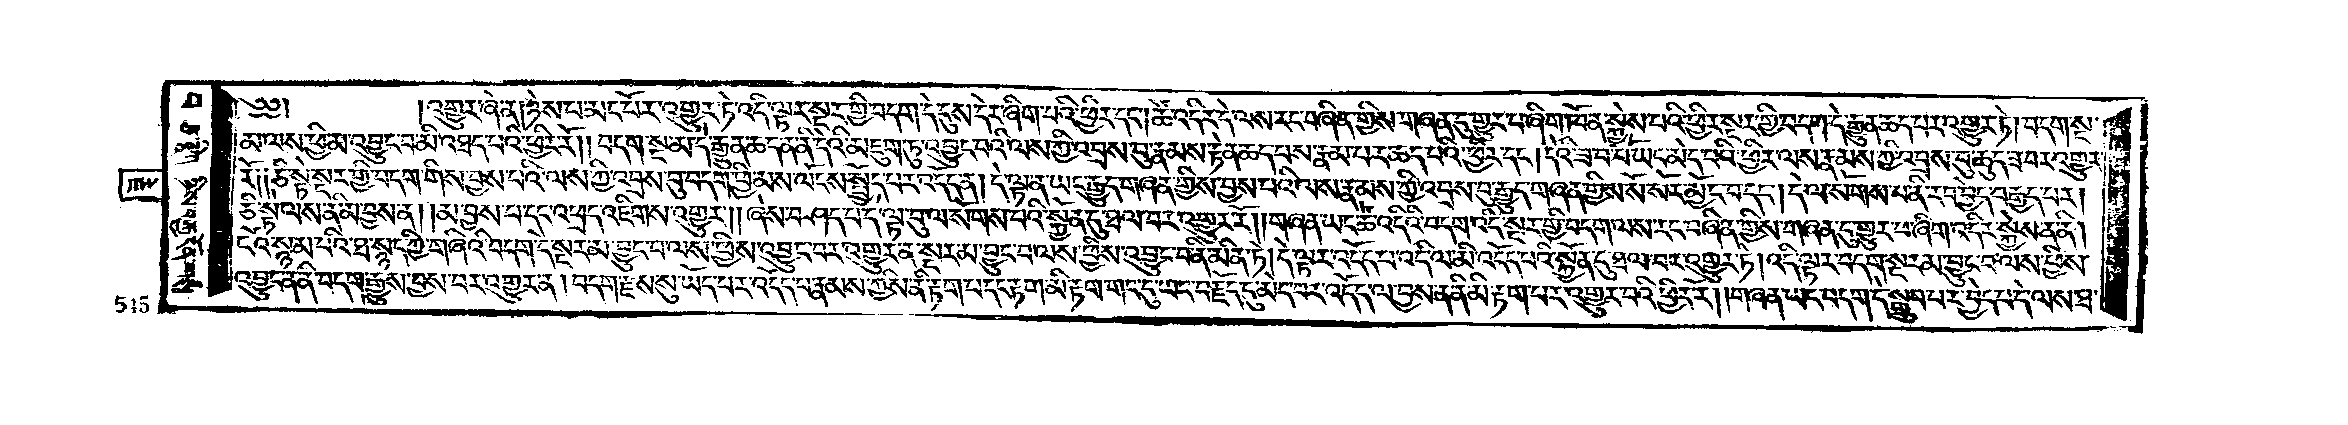༄༅། །འགྱུར་ཞེ་ན། ཉེས་པ་མེད་པར་འགྱུར་ཏེ་འདི་ལྟར་སྔར་གྱི་བདག་དེ་དུས་དེར་ཞིག་པའི་ཕྱིར་དང་། ཚེ་འདིར་དེ་ལས་རག་བཞིན་གྱིས་གཞན་དུ་གྱུར་པ་ཞིག་ཁོ་ན་སྐྱེས་པའི་ཕྱིར་སྔར་གྱི་བདག་དེ་རྒྱུན་ཆད་པར་འགྱུར་ཏེ། བདག་སྔ་
མ་ལས་ཕྱི་མ་འབྱུང་བ་མི་འཐད་པའི་ཕྱིར་རོ། །བདག་སྔ་མ་དེ་རྒྱུན་ཆད་ན་ནི་དེའི་མཇུག་ཏུ་འབྱུང་བའི་ལས་ཀྱི་འབྲས་བུ་རྣམས་རྟེན་ཆད་པས་རྣམ་པར་ཆད་པའི་ཕྱིར་དང་། དེའི་ཟ་བ་པོ་ཡོད་མེད་པའི་ཕྱིར་ལས་རྣམས་ཀྱི་འབྲས་བུ་ཆུད་ཟ་བར་འགྱུར་
རོ༑ ༑ཅི་སྟེ་སྔར་གྱི་བདག་གིས་བྱས་པའི་ལས་ཀྱི་འབྲས་བུ་བདག་ཕྱི་མས་ལོངས་སྤྱོད་པར་འདོད་ན། དེ་ལྟ་ན་ཡང་རྒྱུད་གཞན་གྱིས་བྱས་པའི་ལས་རྣམས་ཀྱི་འབྲས་བུ་རྒྱུད་གཞན་གྱིས་སོ་སོར་མྱོང་བ་དང་། དེ་ལ་སོགས་པ་ནི་རབ་བྱེད་བརྒྱད་པར།
ཅི་སྟེ་ལས་ནི་མི་བྱས་ན། །མ་བྱས་པ་དང་འཕྲད་འཇིགས་འགྱུར། །ཞེས་བཤད་པ་དེ་ལྟ་བུ་ལ་སོགས་པའི་སྐྱོན་དུ་ཐལ་བར་འགྱུར་རོ། །གཞན་ཡང་ཚེ་འདིའི་བདག་འདི་སྔར་གྱི་བདག་ལས་རང་བཞིན་གྱིས་གཞན་དུ་གྱུར་པ་ཞིག་འདིར་སྐྱེས་ན་ནི།
ངའོ་སྙམ་པའི་ཐ་སྙད་ཀྱི་གཞིའི་བདག་དེ་སྔར་མ་བྱུང་བ་ལས་ཕྱིས་འབྱུང་བར་འགྱུར་ན་སྔར་མ་བྱུང་བ་ལས་ཕྱིས་འབྱུང་བ་ནི་མིན་ཏེ། དེ་ལྟར་འདོད་པ་འདི་ལ་མི་འདོད་པའི་སྐྱོན་དུ་ཐལ་བར་འགྱུར་ཏེ། འདི་ལྟར་བདག་སྔར་མ་བྱུང་བ་ལས་ཕྱིས་
འབྱུང་ན་ནི་བདག་རྒྱུས་བྱས་བར་འགྱུར་ན། བདག་རྫས་སུ་ཡོད་པར་འདོད་བ་རྣམས་ཀྱིས་ནི་རྟག་པ་དང་རྟག་མི་རྟག་གང་དུ་ཡང་བརྗོད་དུ་མེད་བར་འདོད་ལ་བྱས་ན་ནི་མི་རྟག་པར་འགྱུར་བའི་ཕྱིར་རོ། །གཞན་ཡང་བདག་དེ་སྒྲུབ་པར་པ་དེ་ལས་ཐ་